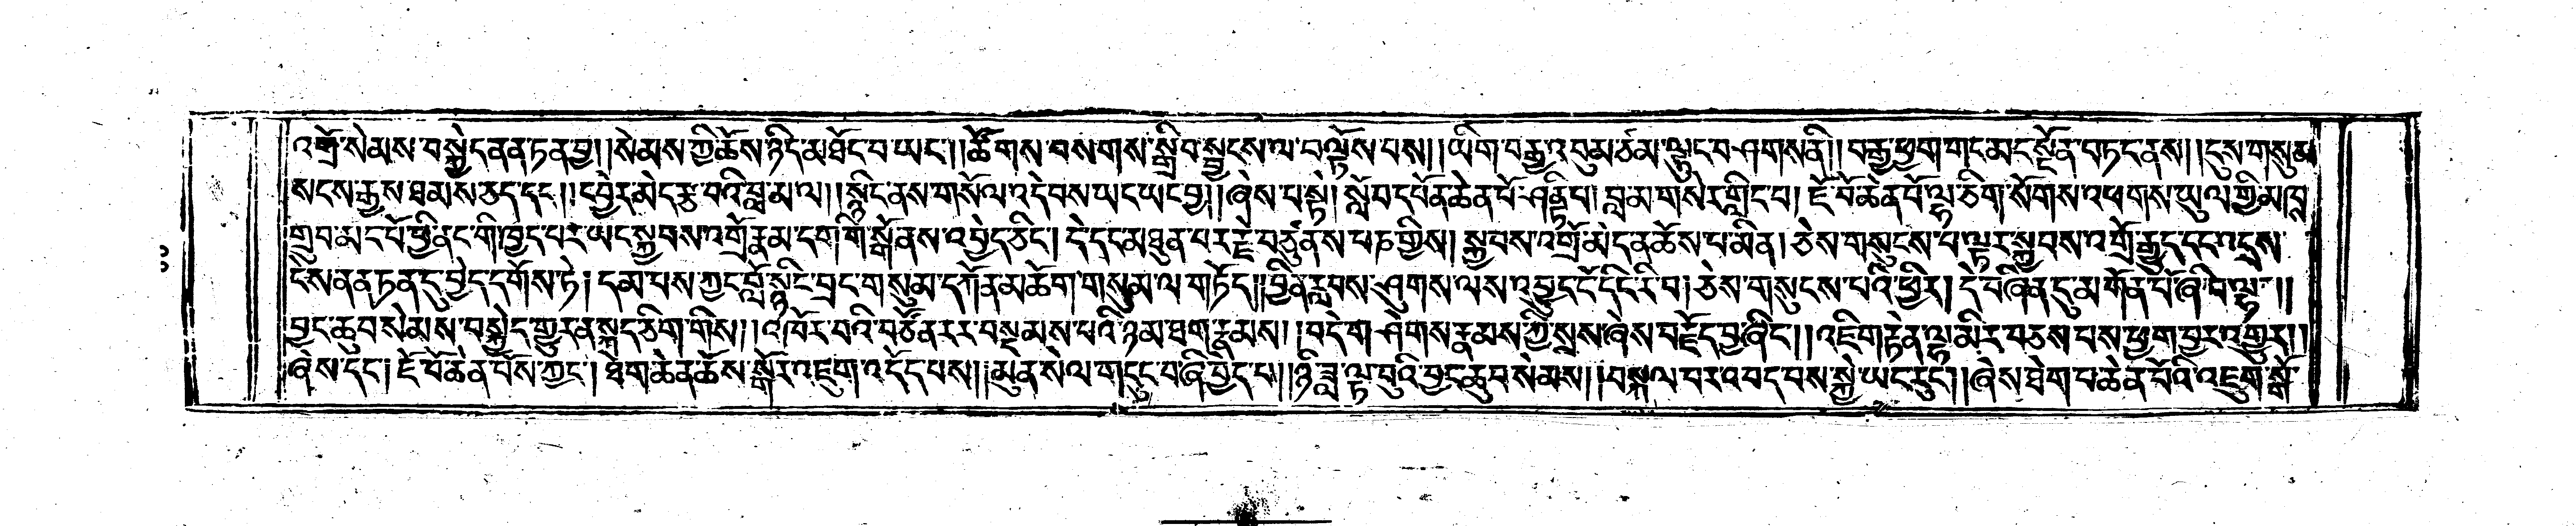འགྲོ་སེམས་བསྐྱེད་ནན་ཏན་བྱ། །སེམས་ཀྱི་ཆོས་ཉིད་མཐོང་བ་ཡང་། །ཚོགས་བསགས་སྒྲིབ་སྦྱངས་ལ་བལྟོས་པས། །ཡིག་བརྒྱ་འབུམ་ཙམ་ལྟུང་བཤགས་ནི། །བརྒྱ་ཕྱག་གང་མང་སྔོན་བཏང་ནས། །དུས་གསུམ་
སངས་རྒྱས་ཐམས་ཅད་དང་། །དབྱེར་མེད་རྩ་བའི་བླ་མ་ལ། །སྙིང་ནས་གསོལ་འདེབས་ཡང་ཡང་བྱ། །ཞེས་པ་སྟེ། སློབ་དཔོན་ཆེན་པོ་ཤནྟི་པ། བླ་མ་གསེར་གླིང་པ། ཇོ་བོ་ཆེན་པོ་ལྷ་ཅིག་སོགས་འཕགས་ཡུལ་གྱི་མཁས་
གྲུབ་མང་པོ་ཕྱི་ནང་གི་ཁྱད་པར་ཡང་སྐྱབས་འགྲོ་རྣམ་དག་གི་སྒོ་ནས་འབྱེད་ཅིང་། དེ་དང་མཐུན་པར་རྗེ་བཙུན་ས་པཎ་གྱིས། སྐྱབས་འགྲོ་མེད་ན་ཆོས་པ་མིན། ཅེས་གསུངས་པ་ལྟར་སྐྱབས་འགྲོ་རྒྱུད་དང་འདྲེས་
ངེས་ནན་ཏན་དུ་བྱེད་དགོས་ཏེ། དམ་པས་ཀྱང་བློ་སྙིང་བྲང་གསུམ་དཀོན་མཆོག་གསུམ་ལ་གཏོད། །བྱིན་རླབས་ཤུགས་ལས་འབྱུང་ངོ་དིང་རི་བ། ཅེས་གསུངས་པའི་ཕྱིར། དེ་བཞིན་དུ་མགོན་པོ་ཞི་བ་ལྷས།
བྱང་ཆུབ་སེམས་བསྐྱེད་གྱུར་ན་སྐད་ཅིག་གིས། །འཁོར་བའི་བཙོན་རར་བསྡམས་པའི་ཉམ་ཐག་རྣམས། །བདེ་གཤེགས་རྣམས་ཀྱི་སྲས་ཞེས་བརྗོད་བྱ་ཞིང་། །འཇིག་རྟེན་ལྷ་མིར་བཅས་པས་ཕྱག་བྱར་འགྱུར། །
ཞེས་དང་། ཇོ་བོ་ཆེན་པོས་ཀྱང་། ཐེག་ཆེན་ཆོས་སྒོར་འཇུག་འདོད་པས། །མུན་སེལ་གདུང་བ་ཞི་བྱེད་པ། །ཉི་ཟླ་ལྟ་བུའི་བྱང་ཆུབ་སེམས། །བསྐལ་པར་འབད་པས་སྐྱེ་ཡང་རུང་། །ཞེས་ཐེག་པ་ཆེན་པོའི་འཇུག་སྒོ་